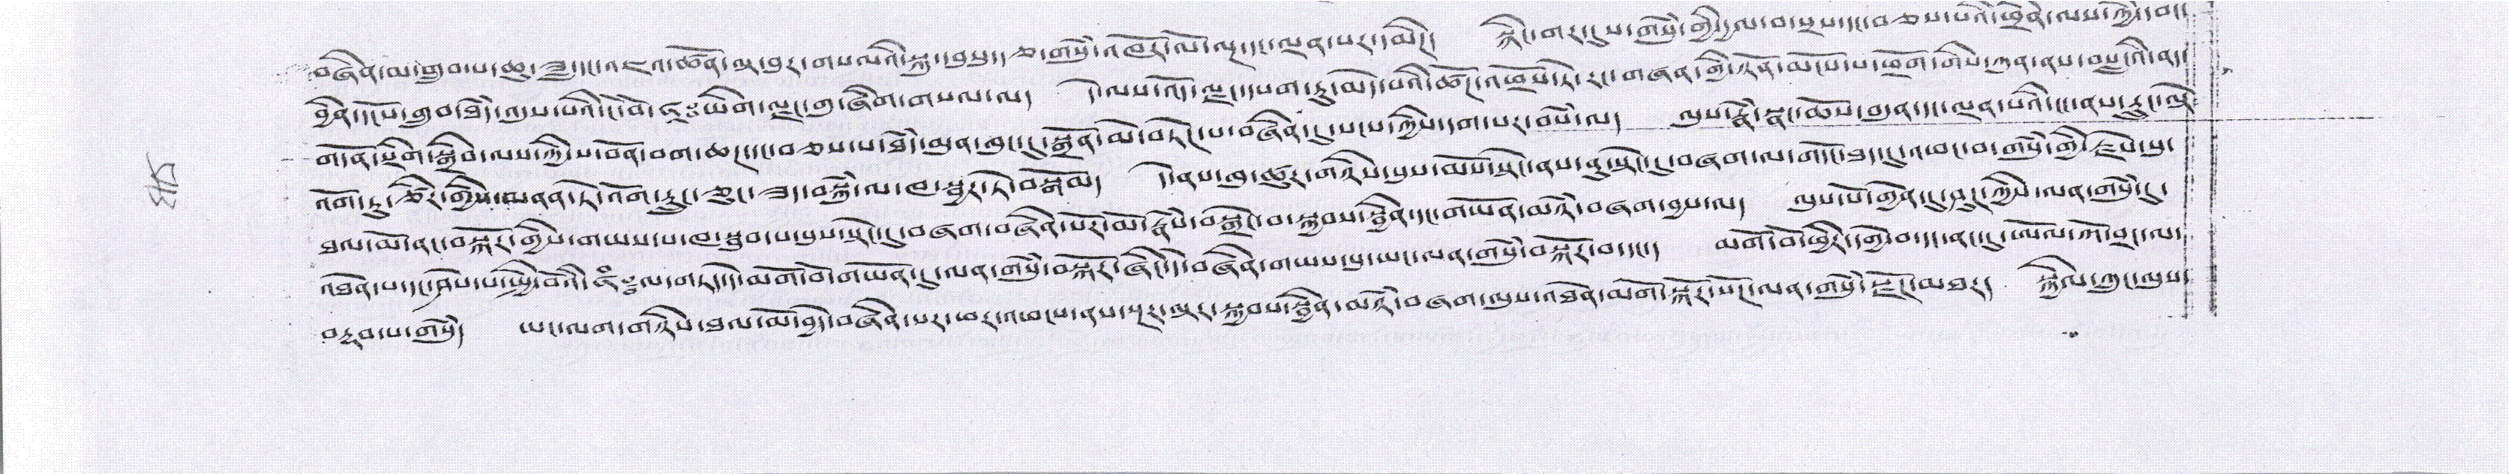བཞིན་མ་གྲུབ་པ་ཆུ་ཟླ་དང་འཇའ་ཚོན་ལྟ་བུར་གསལ་བའི་སྐུ་དབུས་སུ་རྩ་གསུམ་འཁོར་ལོ་ལྔ་དང་ལྡན་པར་དམིགས། སྙིང་གར་དུས་གསུམ་གྱི་རྒྱལ་བ་སྲས་དང་བཅས་པར་ཕྲིན་ལས་ཀྱི་དབང་
བྱིན་དངོས་གྲུབ་ཐམས་ཅད་འདུས་པའི་ངོ་བོ་ཧཱཿཡིག་ལྗང་གུ་ཞིག་གསལ་ལ། དེ་ལས་འོད་ལྗང་དཔག་ཏུ་མེད་པའི་ཚོགས་འཕྲོས་ཏེ་རང་གཞན་གྱི་ཉོན་མོངས་པ་ཕྲག་དོག་གིས་ཀུན་ནས་བསླངས་པའི་ནད་
གདོན་སྡིག་སྒྲིབ་ས་བོན་བག་ཆགས་དང་བཅས་པ་ཐམས་ཅད་མུན་ཁུང་དུ་སྒྲོན་མེ་བཏེགས་པ་བཞིན་དུ་སངས་ཀྱིས་དག་པར་བསམ་ལ། ལུས་རྣམ་སྣང་ཆོས་བདུན་དང་ལྡན་པའི་ངང་ནས་རླུང་ལྟེ་
འོག་ཏུ་ཙིར་གྱིས་མནན་ཏེ་འོག་རླུང་ཅུང་ཟད་བསྐུམ་ལ་ཁ་སྦྱར་ཏེ་བསྒོམ། དེ་ནས་ཁུ་ཚུར་གཉིས་པུས་མོིའི་སྟེང་ནས་ནུ་སྟེང་དུ་བཞག་ལ་གདོང་ཐད་དུ་འཕང་བ་གསུམ་གྱི་རྗེས་སུ་
ཐལ་མོ་ནང་སྐོར་གྱིས་གཡས་པ་ཁ་སྦུབས་པ་པུས་སྟེང་དུ་བཞག་བཞིན་སོར་མོ་རྣམས་སྦྲེང་བ་སྐྱབས་སྦྱིན་དང་གཡོན་མཉམ་གཞག་བྱས་ལ། ལུས་པོ་གྱེན་དུ་ཤུགས་ཀྱིས་ལན་གསུམ་དུ་
འཐེན་པ་དང་ཤེས་པ་སྤྱི་བོའི་ཧཾཿལ་གཏད་དེ་མགོ་བོ་གཡོན་དུ་ལན་གསུམ་བསྐོར་ཞིང་དེ་བཞིན་གཡས་སུ་ཡང་ལན་གསུམ་བསྐོར་བ་དང་། མགོ་བོ་ཕྱིར་དགྱེ་བ་དང་ནང་དུ་ཨོལ་ཀོ་སྲང་ལ་
བརྡབ་པ་གསུམ། ཡང་ལག་གཉིས་ཐལ་མོ་བྱེད་བཞིན་པར་ཕར་འཕངས་ནས་སྔར་ལྟར་སྐྱབས་སྦྱིན་མཉམ་གཞག་ལུས་འཐེན་མགོ་སྐོར་སོགས་ལན་གསུམ་རྫོགས་མཐར། སྐྱིལ་ཀྲུང་ལུས་